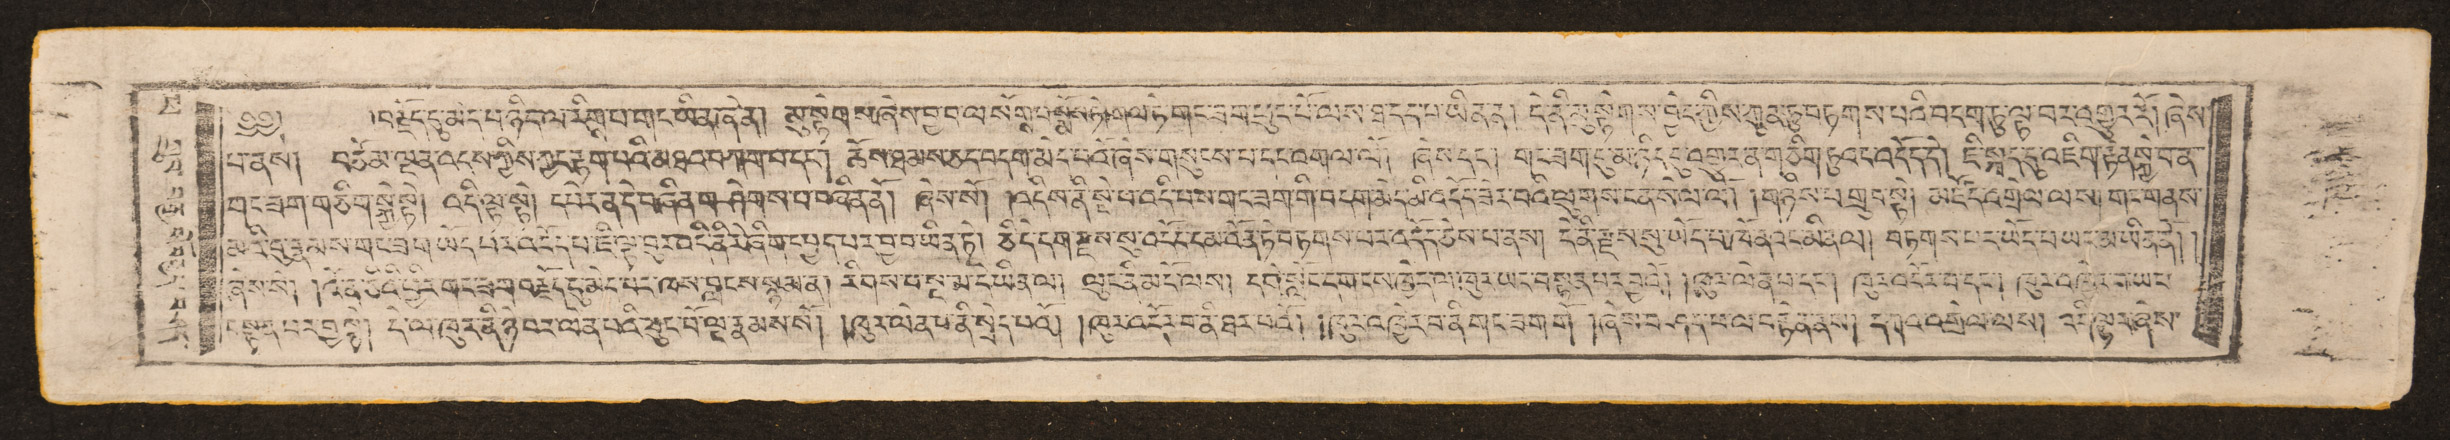༄༅། །བརྗོད་དུ་མེད་པ་ཉིད་ལ་རིགས་བ་གར་ཡིན་ཞེ་ན། མུ་སྟེགས་ཞེས་བྱ་བ་ལ་སོགས་བ་སྨོས་ཏེ། གལ་ཏེ་གང་ཟག་ཕུང་པོ་ལས་ཐ་དད་པ་ཡིན་ན། དེ་ནི་མུ་སྟེགས་བྱེད་ཀྱིས་ཀུན་ཏུ་བཏགས་པའི་བདག་ཏུ་ལྟ་བར་འགྱུར་རོ། ཞེས་
པ་ནས། བཅོམ་ལྡན་འདས་ཀྱིས་ཀྱང་རྟག་པའི་མཐའ་བཀག་པ་དང་། ཆོས་ཐམས་ཅད་བདག་མེད་པའོ་ཞེས་གསུངས་པ་དང་འགལ་ལོ། ཞེས་དང་། གང་ཟག་དུ་མ་ཉིད་དུ་འགྱུར་ན་གཅིག་ཏུའང་འདོད་དེ། ཇི་སྐད་དུ་འཇིག་རྟེན་སྐྱེ་བ་ན་
གང་ཟག་གཅིག་སྐྱེ་སྟེ། འདི་ལྟ་སྟེ། དཔེར་ན་དེ་བཞིན་གཤེགས་པ་བཞིན་ནོ། ཞེས་སོ། །འདིས་ནི་སྡེ་པ་འདི་པས་གང་ཟག་གི་བདག་མེད་མི་འདོད་ཟེར་བའི་ལུགས་ངན་སེལ་ལོ། །གཉིས་པ་གྲུབ་སྟེ། མཛོད་འགྲེལ་ལས། གང་གནས་
མའི་བུ་རྣམས་གང་ཟག་ཡོད་པར་འདོད་པ་ཇི་ལྟ་བུར་འདི་ནི་རེ་ཞིག་དཔྱད་པར་བྱ་བ་ཡིན་ཏེ། ཅི་དེ་དག་རྫས་སུ་འདོད་དམ་འོན་ཏེ་བཏགས་པར་འདོད་ཅེས་པ་ནས། དེ་ནི་རྫས་སུ་ཡོད་པ་ཁོ་ནའང་མིན་ལ། བཏགས་པར་ཡོད་པ་ཡང་མ་ཡིན་ནོ།།
ཞེས་སོ། །འོ་ན་ཅིའི་ཕྱིར་གང་ཟག་བརྗོད་དུ་མེད་པར་ཁས་བླངས་སྙམ་ན། རིགས་པ་སྔ་མ་དེ་ཡིན་ལ། ལུང་ནི་མདོ་ལས། དགེ་སློང་དགངས་ཁྱེད་ལ་ཁུར་ཡང་བསྟན་པར་བྱའོ། །ཁུར་ལེན་པ་དང་། ཁུར་འདོར་བ་དང་། ཁུར་འཁྱེར་བ་ཡང་
བསྟན་པར་བྱ་སྟེ། དེ་ལ་ཁུར་ནི་ཉེ་བར་ལེན་པའི་ཕུང་པོ་ལྔ་རྣམས་སོ། །ཁུར་ལེན་པ་ནི་སྲེད་པའོ། །ཁུར་འདོར་བ་ནི་ཐར་པའོ། །ཁུར་འཁྱེར་བ་ནི་གང་ཟག་གོ །ཞེས་བཤད་པ་ལ་བརྟེན་ནས། དཀའ་འགྲེལ་ལས། འདི་ལྟར་ཞེས་